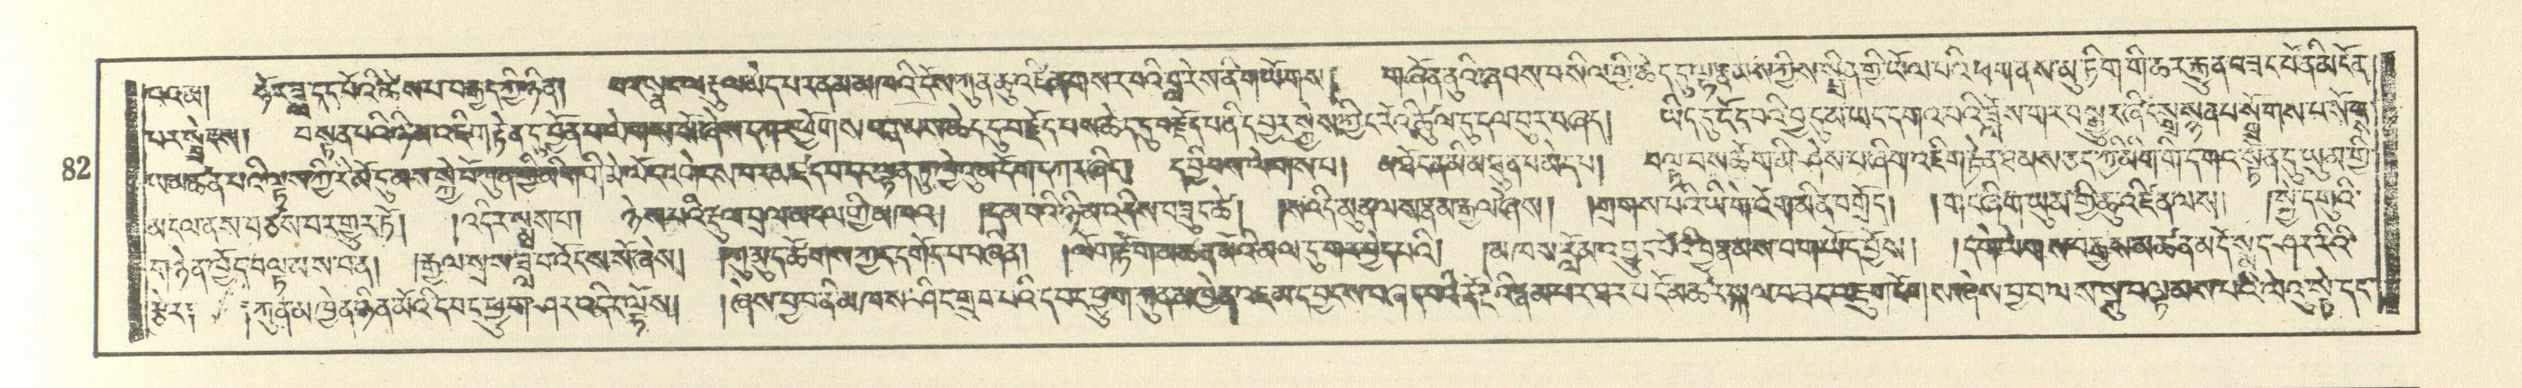བའམ། ཧོར་ཟླ་དང་པོའི་ཚེས་པ་བརྒྱད་ཀྱི་ཉིན། བར་སྣང་ལ་རྡུལ་མེད་པར་ནམ་མཁའི་ངོས་ཀུན་ཆུ་འཛིན་གསར་བའི་བླ་རེས་ནི་གཡོགས། གཞོན་ནུའི་ཞབས་བསིལ་གྱི་ཆེད་དུ་ལྷ་རྣམས་ཀྱིས་སྤྲིན་གྱི་ཡོལ་བའི་ཕག་ནས་མུ་ཏིག་གི་ཆར་རྒྱུན་བཟང་པོ་ནི་མངོན་
པར་སྤྲེངས། བསྟན་པའི་ཉི་མ་འཇིག་རྟེན་དུ་བྱོན་པ་ལེགས་སོ་ཞེས་དཀར་ཕྱོགས་པ་རྣམས་ཆེད་དུ་བརྗོད་པས་ཆེད་དུ་བརྗོད་པ་ནི་དབྱར་སྐྱེས་ཀྱིང་རོའི་ཚུལ་དུ་དལ་བུར་བཞད། ཡིད་དུ་འོང་བའི་བྱ་དུ་མ་ཡང་དགའ་པའི་ཟློས་གར་བསྒྱུར་ཞིང་སྒྲ་སྙན་བ་སྒྲོགས་པ་སོགས་
ཡ་མཚན་པའི་ལྟས་ཀྱི་རི་མོ་དུ་མས་སྐྱེ་བོ་ཀུན་གྱི་མིག་གི་མེ་ལོང་འགེངས་པར་མཛད་པ་དང་ལྷན་ཏུ་ཁྱེའུ་མདོག་དཀར་ཞིང་། དབྱིབས་ལེགས་པ། མཐོང་ན་མི་མཐུན་པ་མེད་པ། བལྟབས་ཆོག་མི་ཤེས་པ་ཞིག་འཇིག་རྟེན་ཐམས་ཅད་ཀྱི་མིག་གི་དགའ་སྟོན་དུ་ཡུམ་གྱི་
མདལ་ནས་བཙས་པར་གྱུར་རོ། །འདིར་སྨྲས་པ། ཉེས་པའི་རྡུལ་བྲལ་མངལ་གྱི་མཁའ། །དམ་པའི་ཉི་མ་འདིས་བཟུང་ཚེ། །ས་འདི་མུན་ལས་རྣམ་རྒྱལ་ཞེས། །གྲགས་པའི་ཡི་གེ་འོག་མིན་བགྲོད། །གང་ཞིག་ཡུམ་གྱི་ཆུ་འཛིན་ལས། །སྐྱེ་དགུའི་
གཉེན་ཁྱོད་བལྟམས་པན། །རྒྱལ་སྲས་ཟླ་བ་འོངས་སོ་ཞེས། །ཀུ་མུད་ཚོགས་ཀྱང་དགོད་པ་བཞིན། །ལོག་རྟོག་མཚན་མོའི་མལ་དུ་གར་བྱེད་པའི། །མཁས་རློམ་འབྱུང་པོའི་བྱ་རྣམས་བག་ཡོད་བྱོས། །དགེ་ལེགས་བརྒྱས་མཚན་མདོ་སྨད་ཤར་རིའི་
རྩེར༑ ༑ཀུན་མཁྱེན་ཉིན་མོའི་དབང་ཕྱུག་ཤར་འདིར་ལྟོས། །ཞེས་བྱ་བ་ནི་མཁས་ཤིང་གྲུབ་པའི་དབང་ཕྱུག་ཀུན་མཁྱེན་འཇམ་དབྱངས་བཞད་པའི་རྡོ་རྗེའི་རྣམ་པར་ཐར་པ་ངོ་མཚར་སྐལ་བཟང་འཇུག་ངོགས་ཞེས་བྱ་བ་ལས་སྐུ་བལྟམས་པའི་ལེའུ་སྣེ་དང་